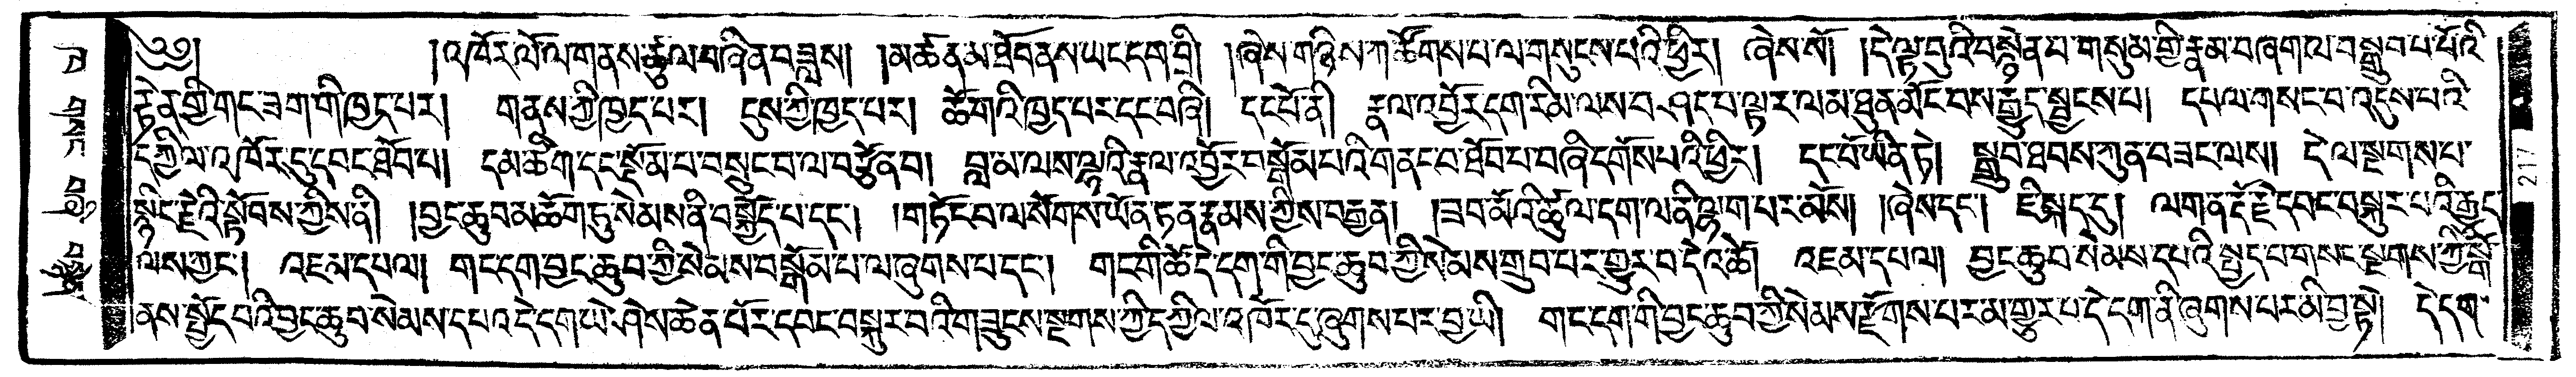༄༅། །འཁོར་ལོ་ལ་གནས་ཚུལ་བཞིན་བཟླས། །མཚན་མ་ཐོབ་ནས་ཡང་དག་བྲི། །ཞེས་གཉིས་ཀ་ཚོགས་པ་ལ་གསུངས་པའི་ཕྱིར། ཞེས་སོ། །དེ་ལྟ་བུའི་བསྙེན་པ་གསུམ་གྱི་རྣམ་བཞག་ལ་བསྒྲུབ་པ་པོའི་
རྟེན་གྱི་གང་ཟག་གི་ཁྱད་པར། གནས་ཀྱི་ཁྱད་པར། དུས་ཀྱི་ཁྱད་པར། ཆོ་གའི་ཁྱད་པར་དང་བཞི། དང་པོ་ནི། རྣལ་འབྱོར་དག་རིམ་ལས་བཤད་པ་ལྟར་ལམ་ཐུན་མོང་བས་རྒྱུད་སྦྱངས་པ། དཔལ་གསང་བ་འདུས་པའི་
དཀྱིལ་འཁོར་དུ་དབང་ཐོབ་པ། དམ་ཚིག་དང་སྡོམ་པ་བསྲུང་བ་ལ་བརྩོན་པ། བླ་མ་ལས་ལྷའི་རྣལ་འབྱོར་བསྒོམ་པའི་གནང་བ་ཐོབ་པ་བཞི་དགོས་པའི་ཕྱིར། དང་པོ་ཡིན་ཏེ། སྒྲུབ་ཐབས་ཀུན་བཟང་ལས། དེ་ལ་སྔགས་པ་
སྙིང་རྗེའི་སྟོབས་ཀྱིས་ནི། །བྱང་ཆུབ་མཆོག་ཏུ་སེམས་ནི་བསྐྱོད་པ་དང་། །གཏོང་བ་ལ་སོགས་ཡོན་ཏན་རྣམས་ཀྱིས་བརྒྱན། །ཟབ་མོའི་ཚུལ་དག་ལ་ནི་ལྷག་པར་མོས། །ཞེས་དང་། ཇི་སྐད་དུ། ལག་ན་རྡོ་རྗེ་དབང་བསྐུར་པའི་རྒྱུད་
ལས་ཀྱང་། འཇམ་དཔལ། གང་དག་བྱང་ཆུབ་ཀྱི་སེམས་བསྒོམ་པ་ལ་ཞུགས་པ་དང་། གང་གི་ཚེ་དེ་དག་གི་བྱང་ཆུབ་ཀྱི་སེམས་གྲུབ་པར་གྱུར་བ་དེའི་ཚེ། འཇམ་དཔལ། བྱང་ཆུབ་སེམས་དཔའི་སྤྱད་པ་གསང་སྔགས་ཀྱི་སྒོ་
ནས་སྤྱོད་བའི་བྱང་ཆུབ་སེམས་དཔའ་དེ་དག་ཡེ་ཤེས་ཆེན་པོར་དབང་བསྐུར་བའི་གཟུངས་སྔགས་ཀྱི་དཀྱིལ་འཁོར་དུ་ཞུགས་པར་བྱ་ཡི། གང་དག་གི་བྱང་ཆུབ་ཀྱི་སེམས་རྫོགས་པར་མ་གྱུར་པ་དེ་དག་ནི་ཞུགས་པར་མི་བྱ་སྟེ། དེ་དག་